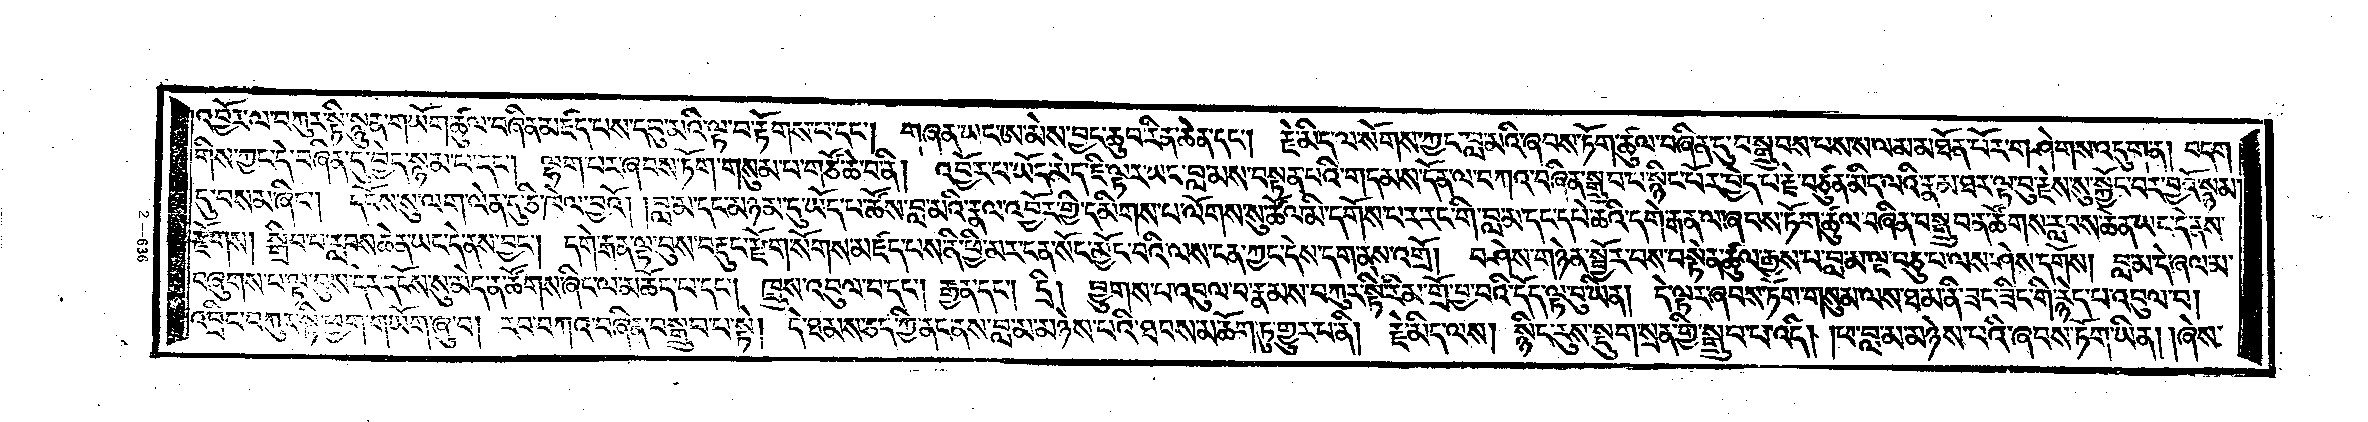འབྱོར་ལ་བཀུར་སྟི་སྙུན་གཡོག་ཚུལ་བཞིན་མཛད་པས་དབུ་མའི་ལྟ་བ་རྟོགས་པ་དང་། གཞན་ཡང་ཨ་མེས་བྱང་ཆུབ་རིན་ཆེན་དང་། རྗེ་མིད་ལ་སོགས་ཀྱང་བླ་མའི་ཞབས་ཏོག་ཚུལ་བཞིན་དུ་བསྒྲུབས་པས་ས་ལམ་མཐོན་པོར་གཤེགས་འདུག་ན། བདག་
གིས་ཀྱང་དེ་བཞིན་དུ་བྱེད་སྙམ་པ་དང་། ལྷག་པར་ཞབས་ཏོག་གསུམ་པ་གཙོ་ཆེ་བ་ནི། འབྱོར་པ་ཡོད་མེད་ཇི་ལྟར་ཡང་བླ་མས་བསྟན་པའི་གདམས་དོན་ལ་བཀའ་བཞིན་སྒྲུབ་པ་སྙིང་པོར་བྱེད་པ་རྗེ་བཙུན་མིད་ལའི་རྣམ་ཐར་ལྟ་བུ་རྗེས་སུ་སྐྱོང་བར་བྱའོ་སྙམ་
དུ་བསམ་ཞིང་། དངོས་སུ་ལག་ལེན་དུ་ཅི་ཁེལ་བྱའོ། །བླ་མ་དང་མཉམ་དུ་ཡོད་པ་ཚོས་བླ་མའི་རྣལ་འབྱོར་གྱི་དམིགས་པ་ལོགས་སུ་ཚོལ་མི་དགོས་པར་རང་གི་བླ་མ་དང་དཔེ་ཆའི་དགེ་རྒན་ལ་ཞབས་ཏོག་ཚུལ་བཞིན་བསྒྲུབ་ན་ཚོགས་རླབས་ཆེན་ཡང་དེ་ནས་
རྫོགས། སྒྲིབ་པ་རླབས་ཆེན་ཡང་དེ་ནས་བྱང་། དགེ་རྒན་ལྟ་བུས་བརྡུང་རྫོག་སོགས་མཛད་པས་ནི་ཕྱི་མར་ངན་སོང་མྱོང་བའི་ལས་ངན་ཀྱང་དེས་དག་ནས་འགྲོ། བཤེས་གཉེན་སྦྱོར་བས་བསྟེན་ཚུལ་རྒྱས་པ་བླ་མ་ལྔ་བཅུ་པ་ལས་ཤེས་དགོས། བླ་མ་དེ་ཞལ་མ་
བཞུགས་པ་ལྟ་བུས་དེར་དངོས་སུ་མེད་ན་ཚོགས་ཞིང་ལ་མཆོད་པ་དང་། ཁྲུས་འབུལ་བ་དང་། རྒྱན་དང་། དྲི། བྱུགས་པ་འབུལ་བ་རྣམས་བཀུར་སྟི་རིམ་གྲོ་བྱ་བའི་དོད་ལྟ་བུ་ཡིན། དེ་ལྟར་ཞབས་ཏོག་གསུམ་ལས་ཐ་མ་ནི་ཟང་ཟིང་གི་རྙེད་པ་འབུལ་བ།
འབྲིང་བཀུར་སྟི་ཕྱག་གཡོག་ཞུ་བ། རབ་བཀའ་བཞིན་བསྒྲུབ་པ་སྟེ། དེ་ཐམས་ཅད་ཀྱི་ནང་ནས་བླ་མ་མཉེས་པའི་ཐབས་མཆོག་ཏུ་གྱུར་པ་ནི། རྗེ་མིད་ལས། སྙིང་རུས་སྡུག་སྲན་གྱི་སྒྲུབ་པ་འདི། །ཕ་བླ་མ་མཉེས་པའི་ཞབས་ཏོག་ཡིན། །ཞེས་